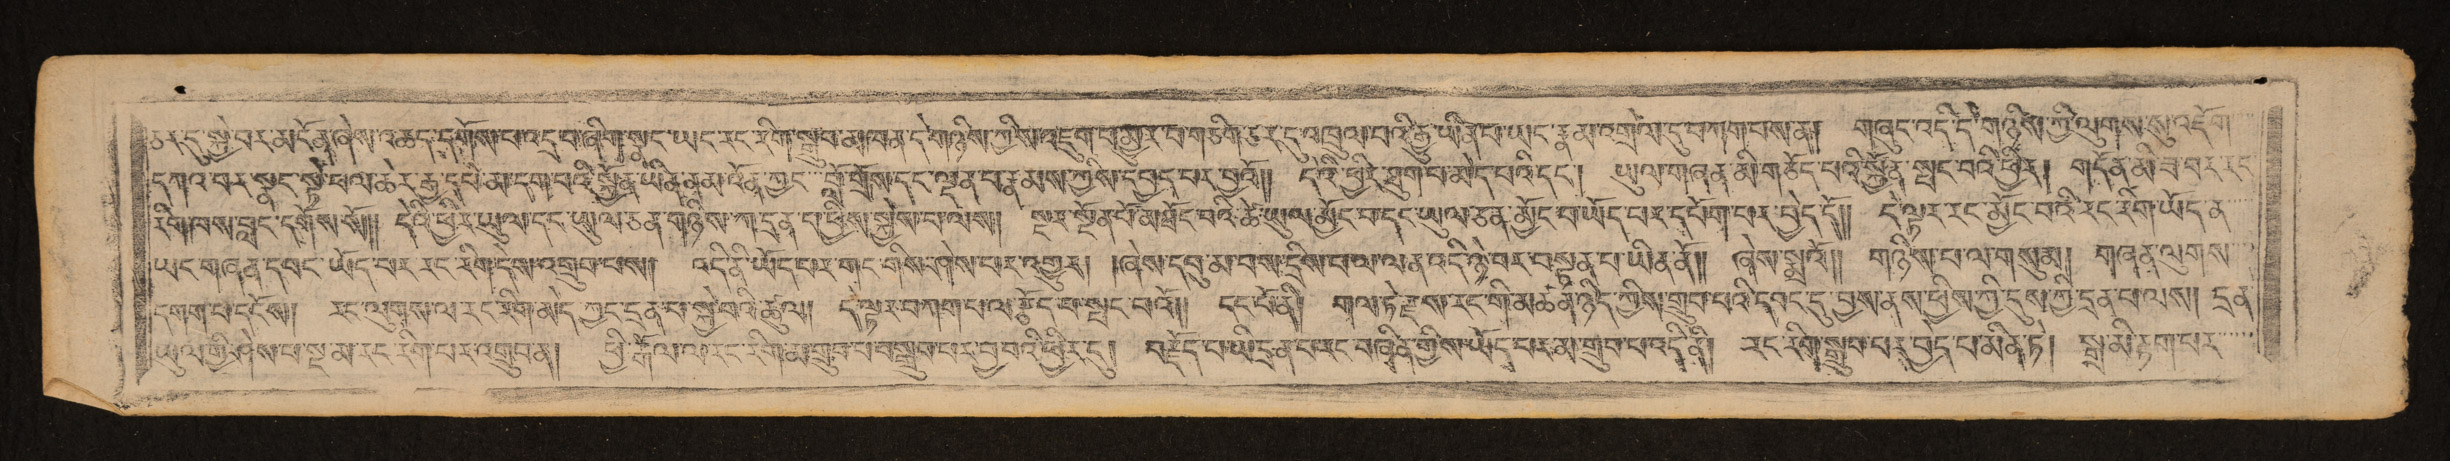ཅར་དུ་སྐྱེ་བར་མངོན་ཞེས་འཆད་དགོས་པ་འདྲ་བ་ཞིག་སྣང་ཡང་རང་རིག་སྒྲུབ་མཁན་དེ་གཉིས་ཀྱིས་འཇུག་པ་མྱུར་བ་གཅིག་ཅར་དུ་འཁྲུལ་བའི་རྒྱུ་ཡིན་པ་ཡང་རྣམ་འགྲེལ་དུ་བཀག་པས་ན། གཞུང་འདི་དེ་གཉིས་ཀྱི་ལུགས་སུ་འཇོག་
དཀའ་བར་སྣང་སྟེ་ཕལ་ཆེར་རྒྱ་དཔེ་མ་དག་པའི་སྐྱོན་ཡིན་ནམ་འོན་ཀྱང་བློ་གྲོས་དང་ལྡན་པ་རྣམས་ཀྱིས་དཔྱད་པར་བྱའོ།། དེའི་ཕྱིར་ཐུག་པ་མེད་པའི་དང་། ཡུལ་གཞན་མི་གཅོད་པའི་སྐྱོན་སྤང་བའི་ཕྱིར། གདོན་མི་ཟ་བར་རང་
རིག་ཁས་བླང་དགོས་སོ།། དེའི་ཕྱིར་ཡུལ་དང་ཡུལ་ཅན་གཉིས་ཀ་དྲན་པ་ཕྱིས་སྐྱེས་པ་ལས། སྔར་སྔོན་པོ་མཐོང་བའི་ཚེ་ཡུལ་མྱོང་བ་དང་ཡུལ་ཅན་མྱོང་བ་ཡོད་པར་དཔོག་པར་བྱེད་དོ།། དེ་ལྟར་རང་མྱོང་བའི་རང་རིག་ཡོད་ན་
ཡང་གཞན་དབང་ཡོད་པར་རང་རིག་དེས་འགྲུབ་པས། འདི་ནི་ཡོད་པར་གང་གིས་ཤེས་པར་འགྱུར། །ཞེས་དབུ་མ་པས་དྲིས་པ་ལ་ལན་འདི་ཉེ་བར་བསྟན་པ་ཡིན་ནོ།། ཞེས་སྨྲའོ།། གཉིས་པ་ལ་གསུམ། གཞན་ལུགས་
དགག་པ་དངོས། རང་ལུགས་ལ་རང་རིག་མེད་ཀྱང་དྲན་པ་སྐྱེ་བའི་ཚུལ། དེ་ལྟར་བཀག་པ་ལ་རྩོད་པ་སྤང་པའོ།། དང་པོ་ནི། གལ་ཏེ་རྫས་རང་གི་མཚན་ཉིད་ཀྱིས་གྲུབ་པའི་དབང་དུ་བྱས་ནས་ཕྱིས་ཀྱི་དུས་ཀྱི་དྲན་པ་ལས། དྲན་
ཡུལ་གྱི་ཤེས་པ་སྔ་མ་རང་རིག་པར་འགྲུབ་ན། ཕྱི་རྒོལ་ལ་རང་རིག་མ་གྲུབ་པ་བསྒྲུབ་པར་བྱ་བའི་ཕྱིར་དུ། བརྗོད་པ་ཡི་དྲན་པ་རང་བཞིན་གྱིས་ཡོད་པར་མ་གྲུབ་པ་འདི་ནི། རང་རིག་སྒྲུབ་པར་བྱེད་པ་མིན་ཏེ། སྒྲ་མི་རྟག་པར་